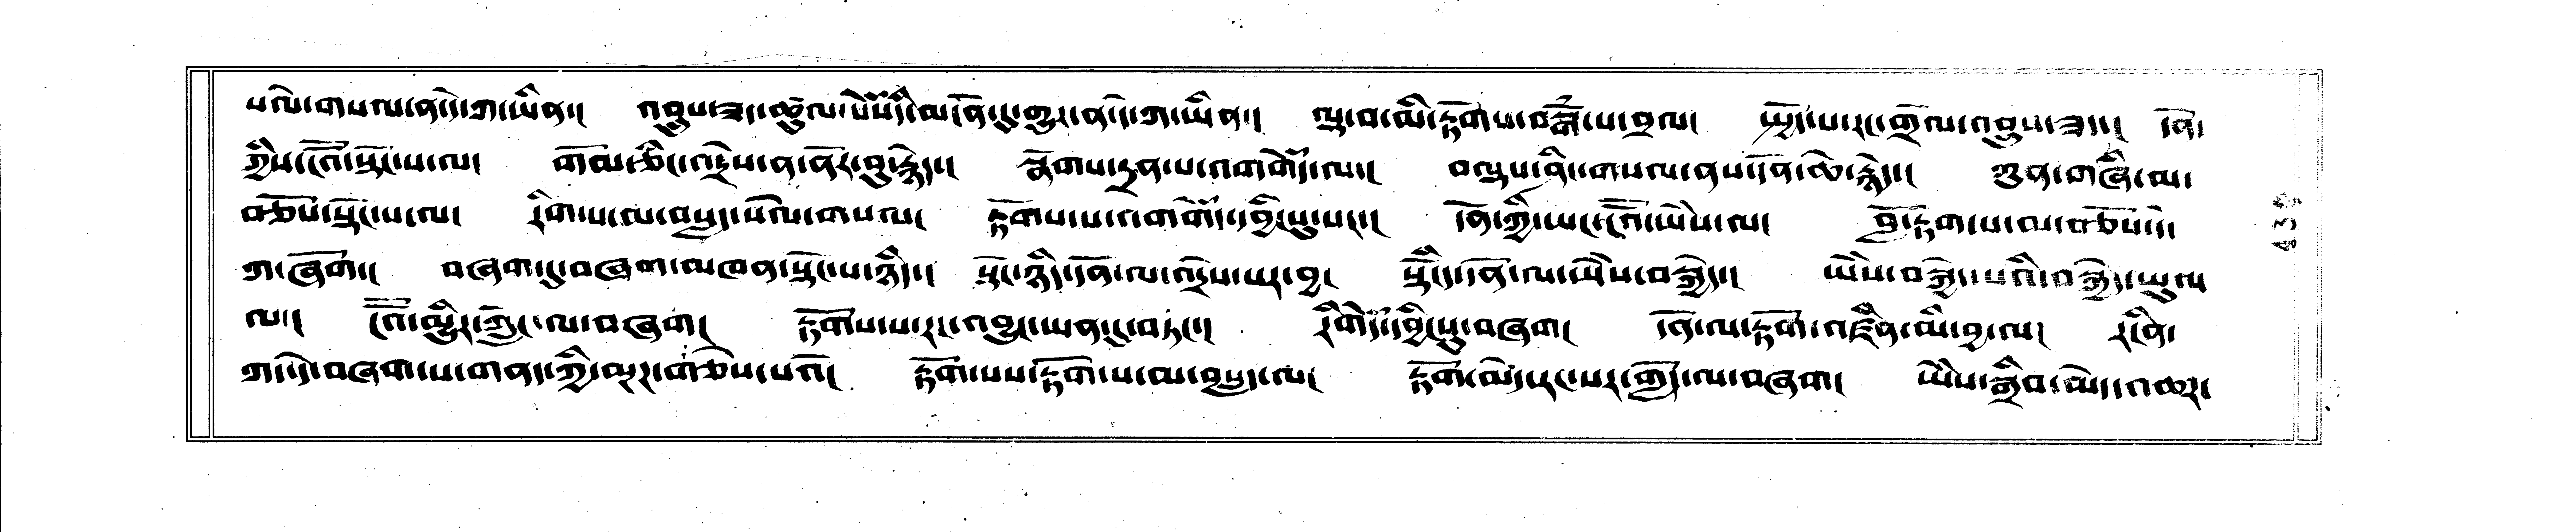སལེ་གསལ་ན་དེ་ཀ་ཡིན། འབྲས་བུའི་ཟད་ཚུལ་སེམས་ཉིད་མངོན་དུ་གྱུར་ན་དེ་ཀ་ཡིན། ལྟ་བ་མི་རྟོག་སྒོམ་པ་བྲལ། སྤྱོད་པ་རང་གྲོལ་འབྲས་བུ་ཟད། དོན་
གྱིས་ངོའོ་སྟོང་པ་ལ། གོམ་ཅིང་འདྲིས་ན་ནོར་བུ་རྙེད། སྣ་ཚོགས་དྲན་པ་གྷག་མེད་ལ། བལྟས་ཤིང་གསལ་ན་དོན་དམ་རྙེད། ཀུན་གཞི་མ་
བཅོས་སྟོང་པ་ལ། རིག་པ་མ་བསླད་སལེ་གསལ། རྟོག་པ་གྷག་(འགག)མེད་དབྱིངས་སུ་སངས། དོན་གྱིས་ངོའོ་ཡེ་ཤེས་ལ། བློ་རྟོག་པས་མ་བཅོས་
ཀར་ཞོག བཞག་རྒྱུར་བཞག་མཁན་སྟོང་པ་ཉིད། སྟོང་ཉིད་དོན་ལ་འདྲིས་པར་བྱ། སྟོང་ཉིད་དོན་ལ་ཡེ་ཤེས་བསྐྱེད། ཡེ་ཤེས་བསྐྱེད་པའི་བསྐྱེད་ཡུལ་
ལས། ངོའོ་མི་འགྱུར་ཀློང་ལ་བཞག རྟོགས་པ་རང་འབྱུང་ཡན་དུ་བཏང་། རིག་པ་འཛིན་མེད་དབྱིངས་སུ་བཞག དེ་ལ་རྟོག་འཛིན་མི་བྱ་ལ། རང་བཞིན་
ཀད་དེ་བཞག་པ་གནད་ཀྱིས་མེན་ངག་གཅེས་པའོ། རྟོག་པས་རྟོག་པ་མི་བསླང་ལ། རྟོག་མེད་རང་སར་ཀློད་ལ་བཞག ཡེ་ཤེས་བསྒྲིབ་མེད་འཆར་